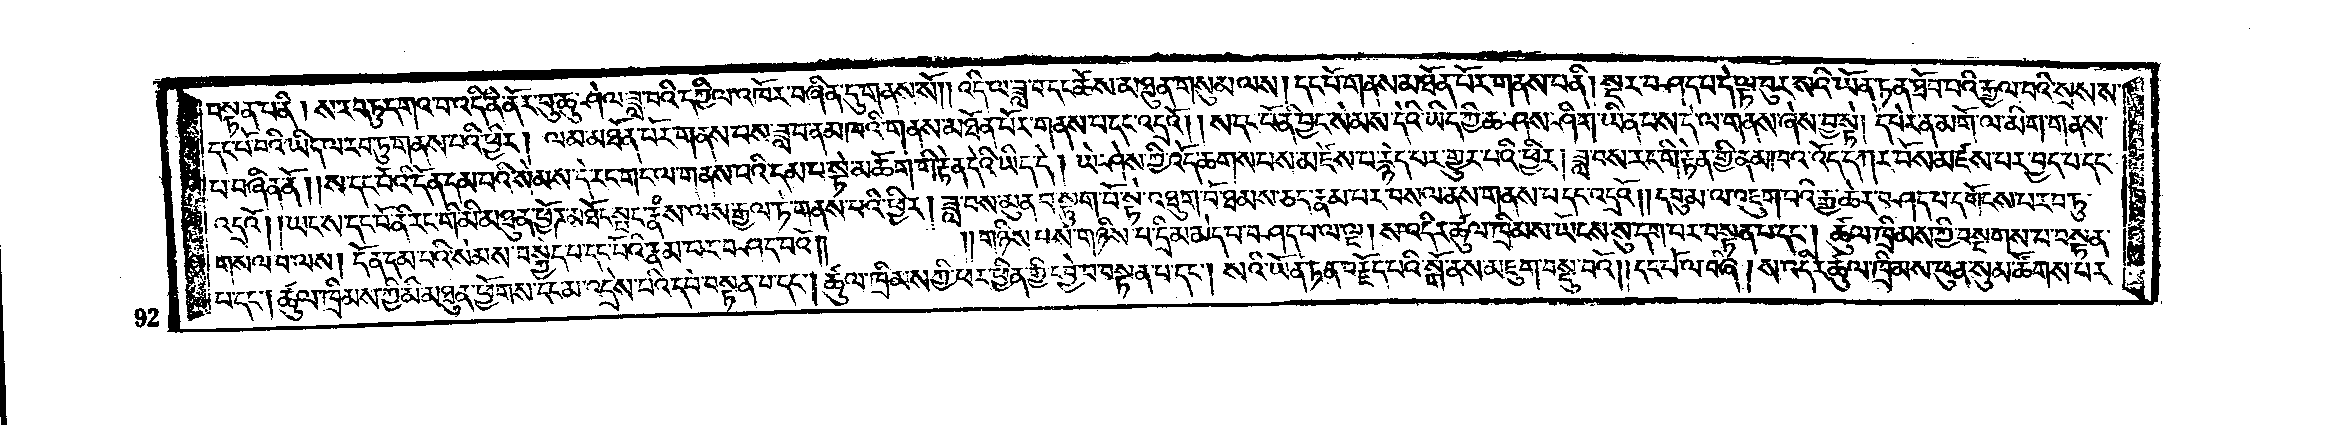བསྟན་པ་ནི། ས་རབ་ཏུ་དགའ་བ་འདི་ནི་ནོར་བུ་ཆུ་ཤེལ་ཟླ་བའི་དཀྱིལ་འཁོར་བཞིན་དུ་གནས་སོ། །འདི་ལ་ཟླ་བ་དང་ཆོས་མཐུན་གསུམ་ལས། དང་པོ་གནས་མཐོན་པོར་གནས་པ་ནི། སྔར་བཤད་པ་དེ་ལྟ་བུར་སའི་ཡོན་ཏན་ཐོབ་པའི་རྒྱལ་བའི་སྲས་ས་
དང་པོ་བའི་ཡིད་ལ་རབ་ཏུ་གནས་པའི་ཕྱིར། ལམ་མཐོན་པོར་གནས་པས་ཟླ་བ་ནམ་ཁའི་གནས་མཐོན་པོར་གནས་པ་དང་འདྲའོ། །ས་དང་པོ་ནི་བྱང་སེམས་དེའི་ཡིད་ཀྱི་ཆ་ཤས་ཤིག་ཡིན་པས་དེ་ལ་གནས་ཞེས་བྱ་སྟེ། དཔེར་ན་མགོ་ལ་མིག་གནས་
པ་བཞིན་ནོ། །ས་དང་པོའི་དོན་དམ་པའི་སེམས་དེ་རང་གང་ལ་གནས་པའི་དམ་པ་སྟེ་མཆོག་གི་རྟེན་དེའི་ཡིད་དེ། ཡེ་ཤེས་ཀྱི་འོད་ཆགས་པས་མཛེས་པ་རྙེད་པར་གྱུར་པའི་ཕྱིར། ཟླ་བས་རང་གི་རྟེན་གྱི་ནམ་མཁའ་འོད་དཀར་པོས་མཛེས་པར་བྱེད་པ་དང་
འདྲའོ། །ཡང་ས་དང་པོ་ནི་རང་གི་མི་མཐུན་ཕྱོགས་མཐོང་སྤང་རྣམས་ལས་རྒྱལ་ཏེ་གནས་པའི་ཕྱིར། ཟླ་བས་མུན་པ་སྟུག་པོ་སྟེ་འཐུག་པོ་ཐམས་ཅད་རྣམ་པར་བསལ་ནས་གནས་པ་དང་འདྲའོ། །དབུ་མ་ལ་འཇུག་པའི་རྒྱ་ཆེར་བཤད་པ་དགོངས་པ་རབ་ཏུ་
གསལ་བ་ལས། དོན་དམ་པའི་སེམས་བསྐྱེད་པ་དང་པོའི་རྣམ་པར་བཤད་པའོ།། ༈ །།གཉིས་པས་གཉིས་པ་དྲི་མ་མེད་པ་བཤད་པ་ལ་ལྔ། ས་འདིར་ཚུལ་ཁྲིམས་ཡོངས་སུ་དག་པར་བསྟན་པ་དང་། ཚུལ་ཁྲིམས་ཀྱི་བསྔགས་པ་བསྟན་
པ་དང་། ཚུལ་ཁྲིམས་ཀྱི་མི་མཐུན་ཕྱོགས་དང་མ་འདྲེས་པའི་དཔེ་བསྟན་པ་དང་། ཚུལ་ཁྲིམས་ཀྱི་ཕར་ཕྱིན་གྱི་དབྱེ་བ་བསྟན་པ་དང་། སའི་ཡོན་ཏན་བརྗོད་པའི་སྒོ་ནས་མཇུག་བསྡུ་བའོ། །དང་པོ་ལ་བཞི། ས་འདིར་ཚུལ་ཁྲིམས་ཕུན་སུམ་ཚོགས་པར་